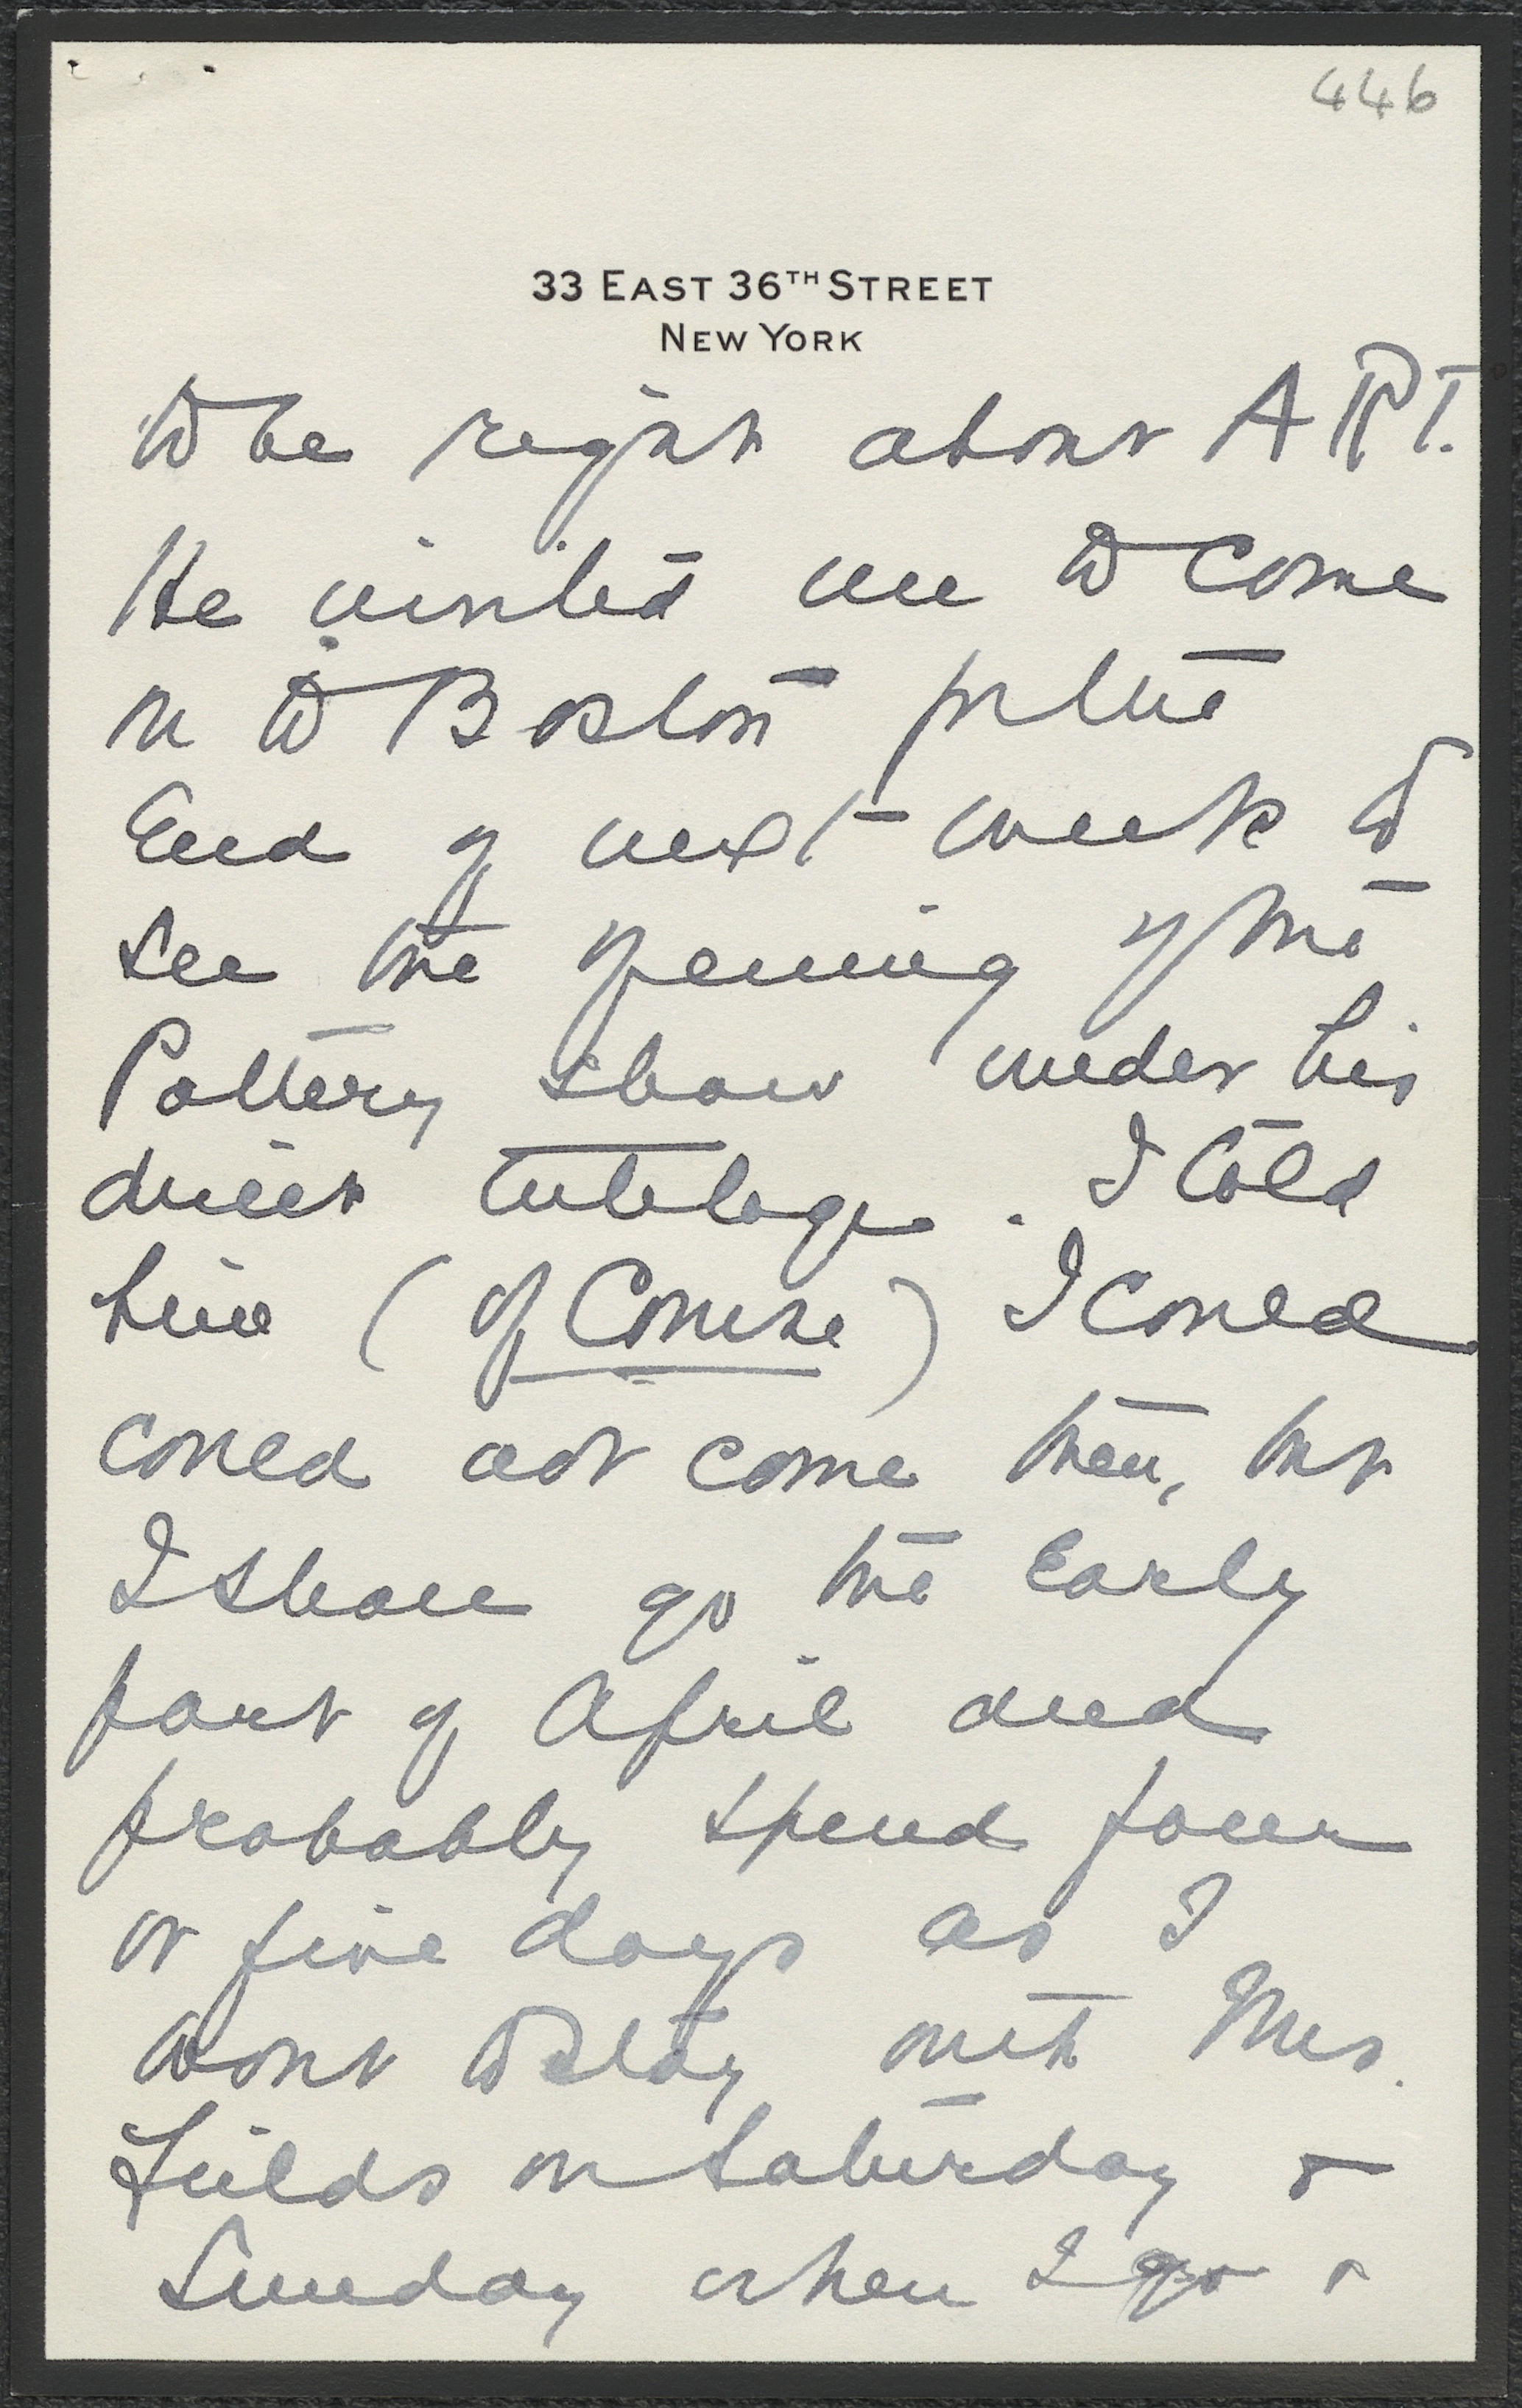to be right about ART. He invited me to come in to Boston for the end of next week to see the opening of the Pottery show under his direct tutelage. I told him (of course) I could could not come then, but I shall go the early part of April and probably spend four or five days as I want to stay with Mrs. Fields on Saturday & Sunday when I go &